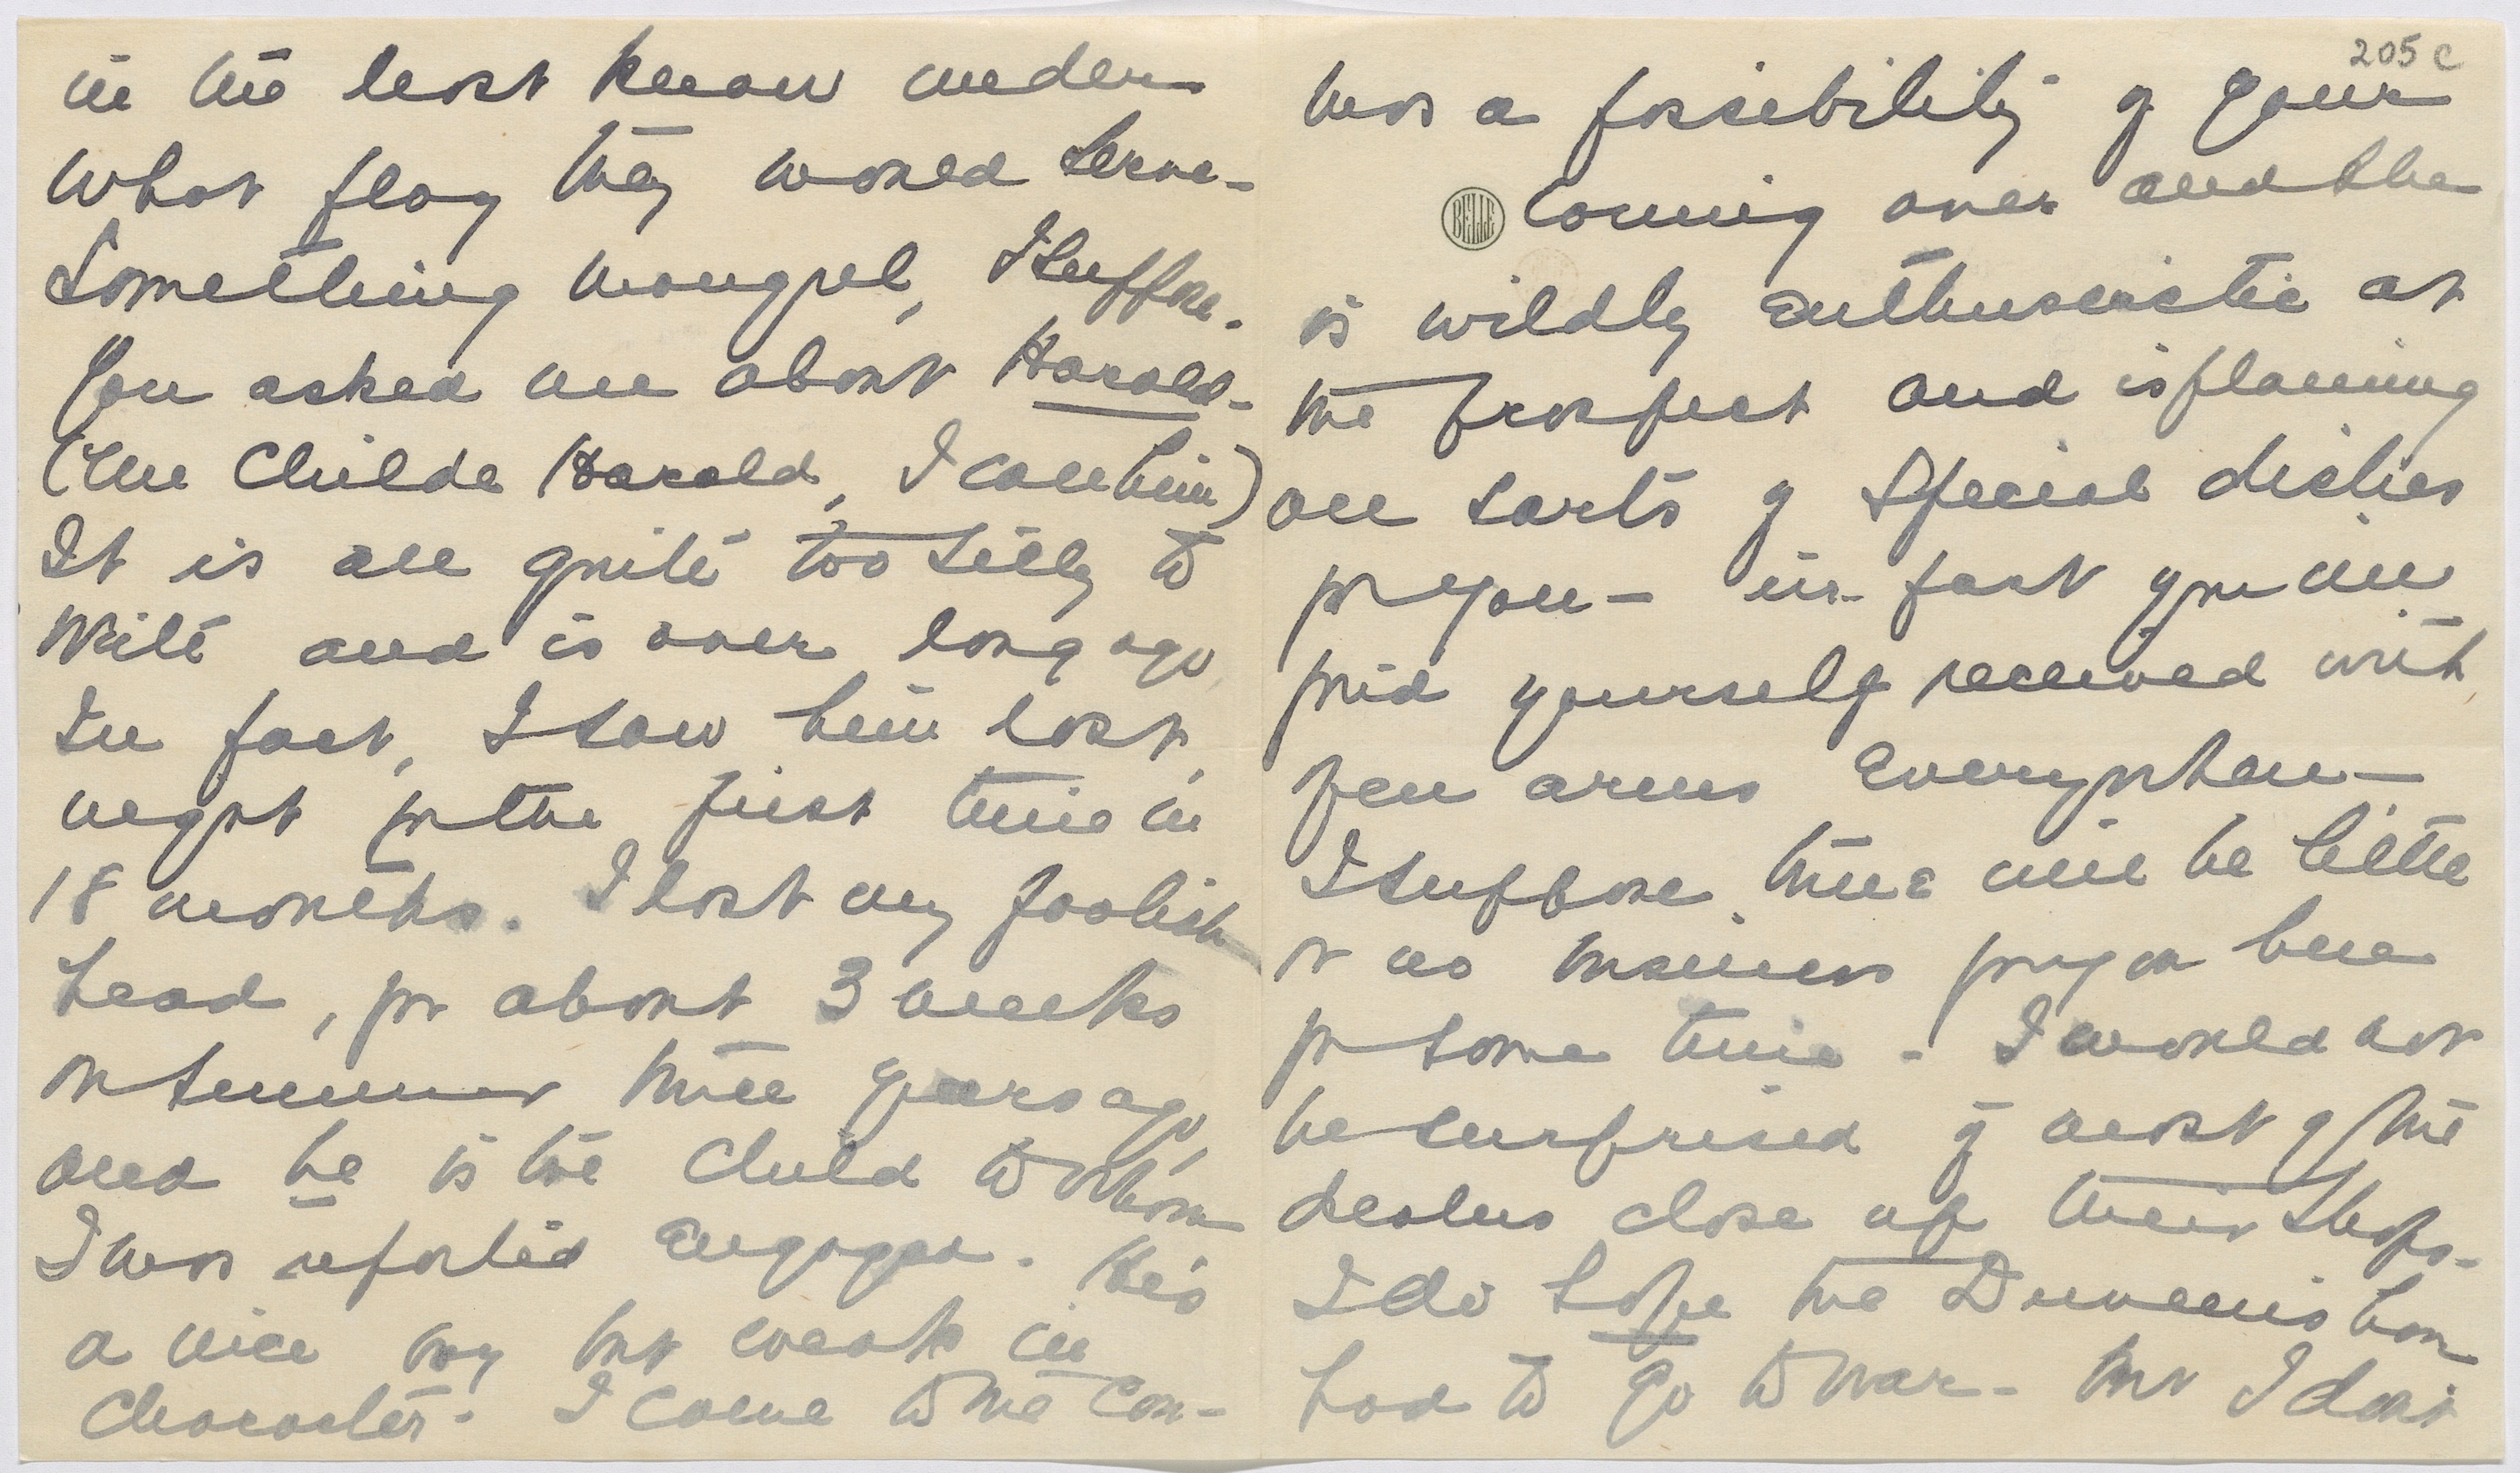was a possibility of your coming over and she is wildly enthusiastic at the prospect and is planning all sorts of special dishes for you – in fact you will find yourself received with open arms everywhere – I suppose there will be little or no business for you here for some time – I would not be surprised if most of the dealers close up their shops – I do hope the Duveen’s have had to go to war – but I don’t
in the least know under what flag they would serve – Something mongrel, I suppose – You asked me about Harold – (The Childe Harold, I call him)
It is all quite too silly to write and is over long ago
In fact, I saw him last night for the first time in 18 months. I lost my foolish head, for about 3 weeks on summer three years ago, and he is the child to whom I was reported engaged – He’s a nice boy but weak in character – I came to the conclusion